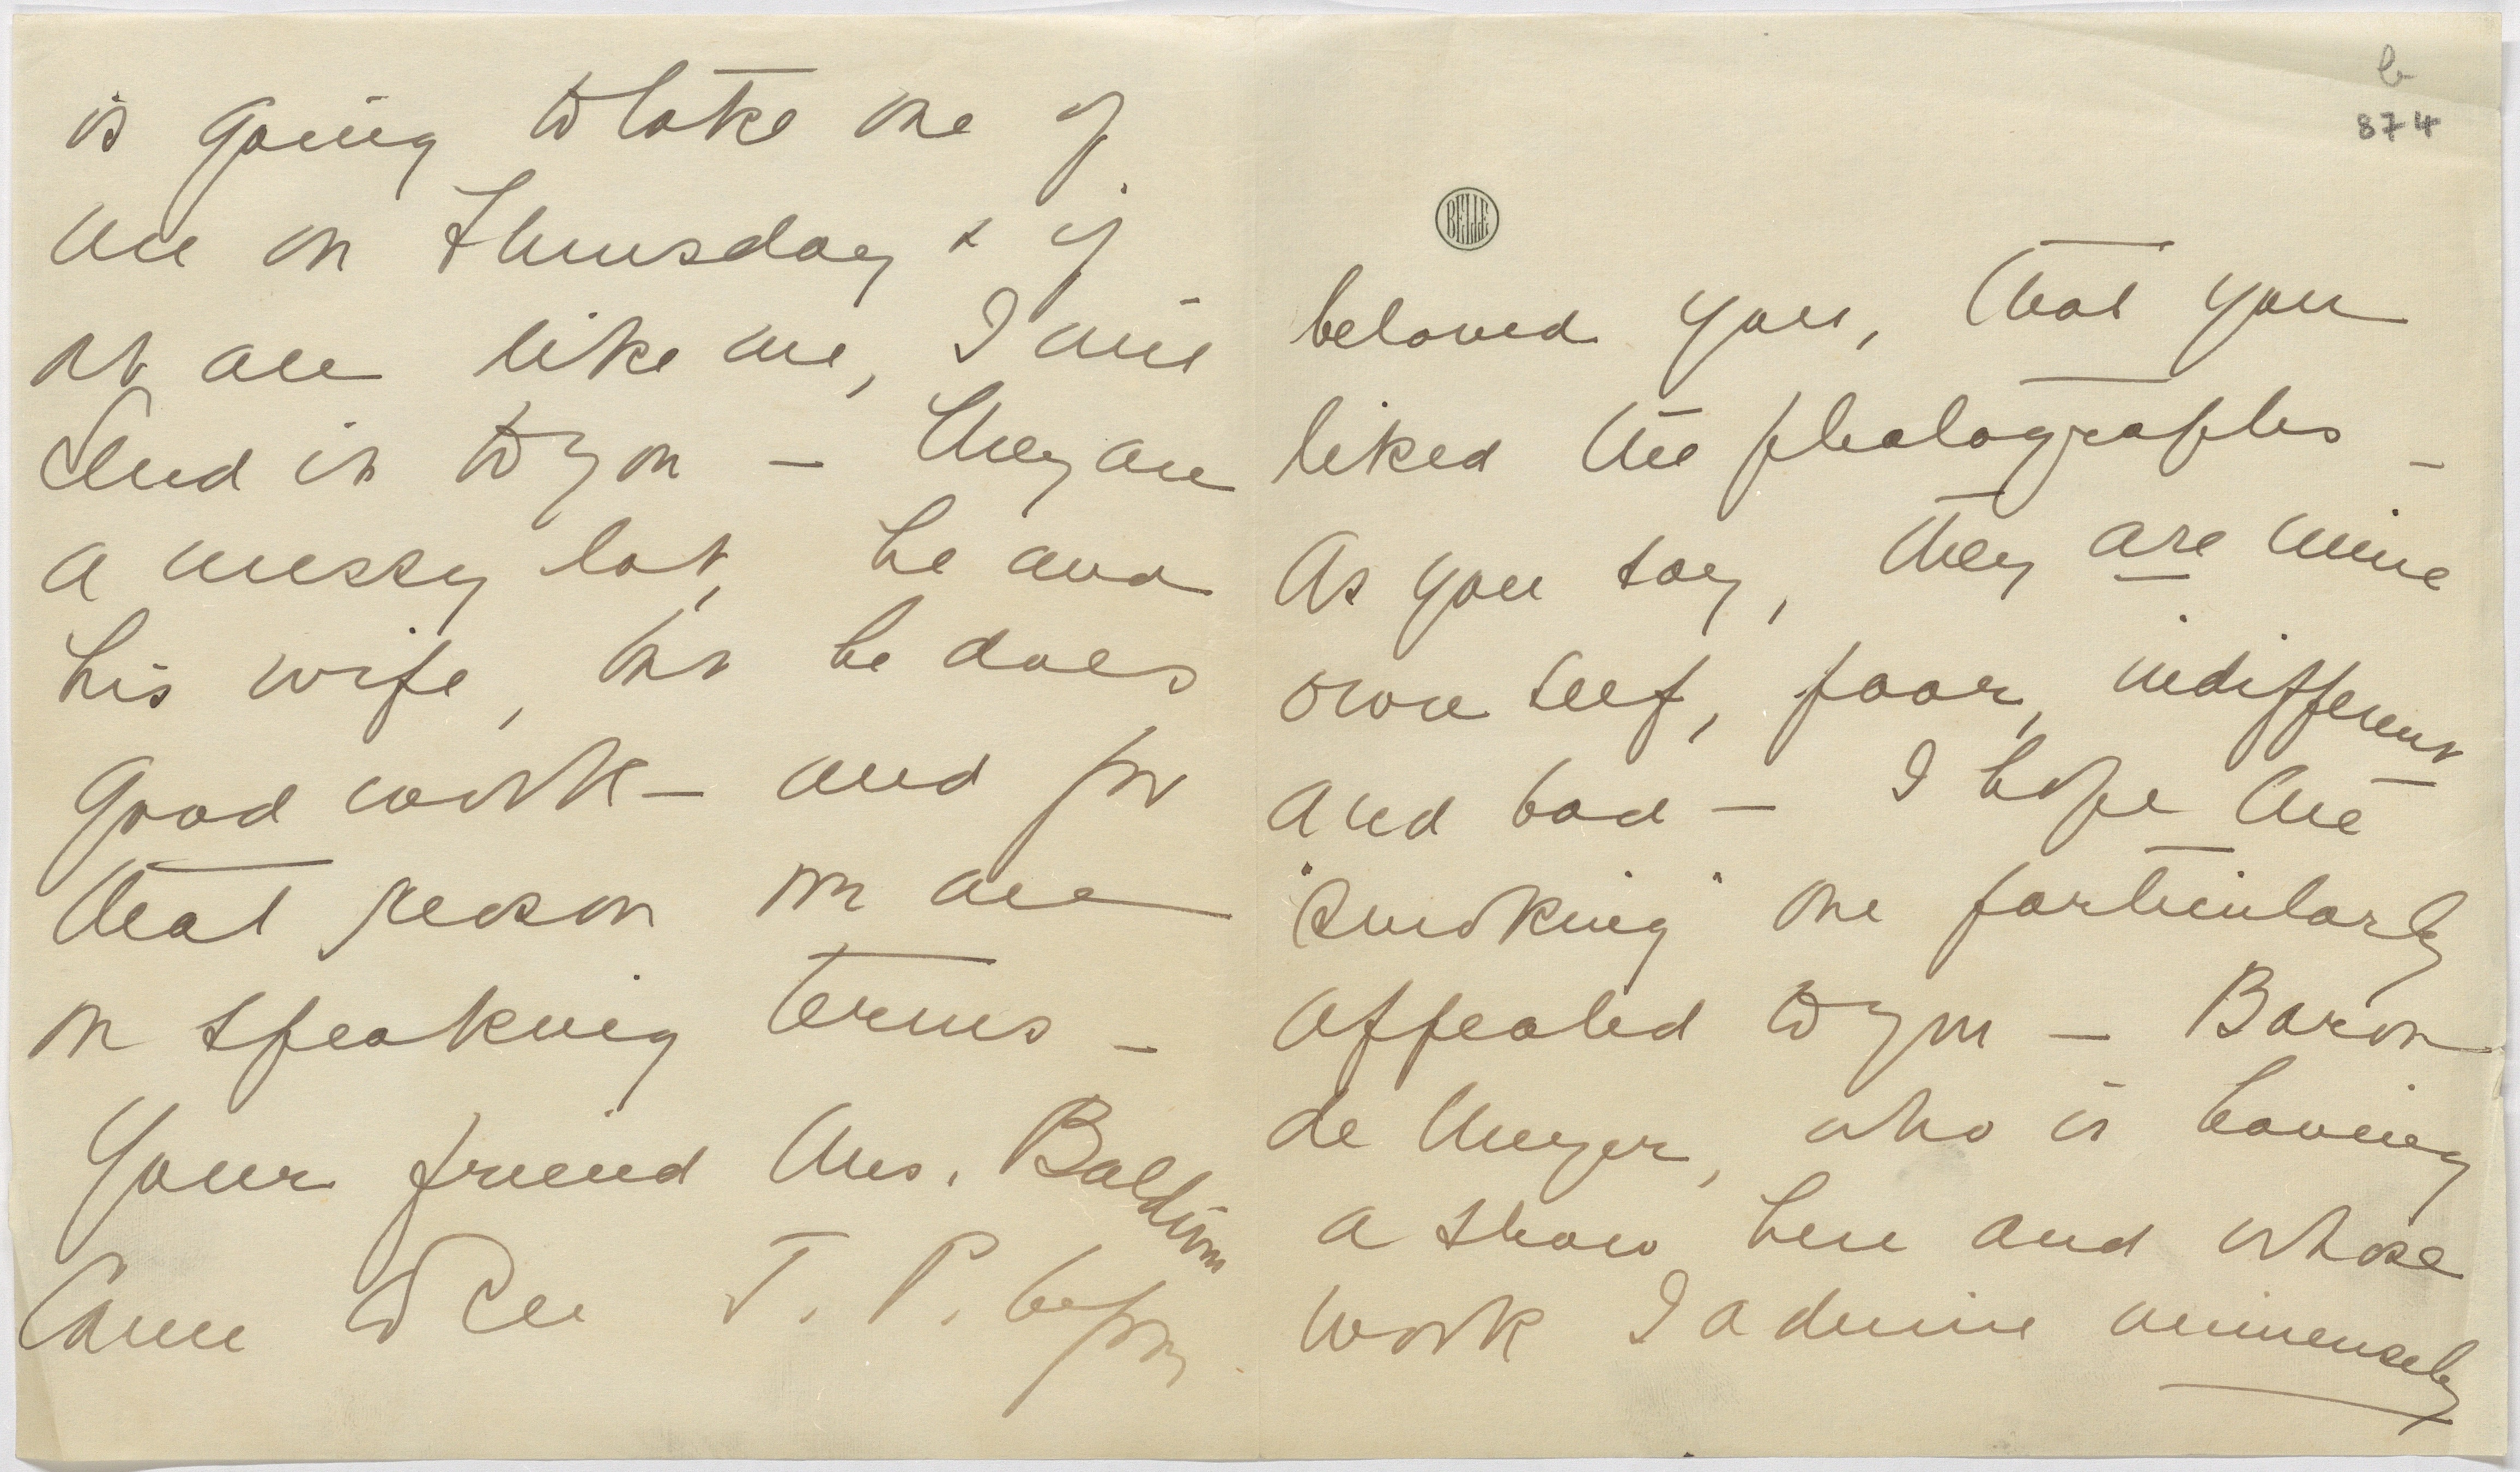beloved you, that you liked the photographs – As you say, they are mine own self, poor, indifferent and bad – I hope the smoking one particularly appealed to you – Baron de Meyer, who is having a show here and whose work I admire immensely
is going to take one of me on Thursday & if at all like me, I will send it to you – They are a messy lot, he and his wife, but he does good work – and for that reason we are on speaking terms – Your friend Mrs. Baldwin came to see J. P. before